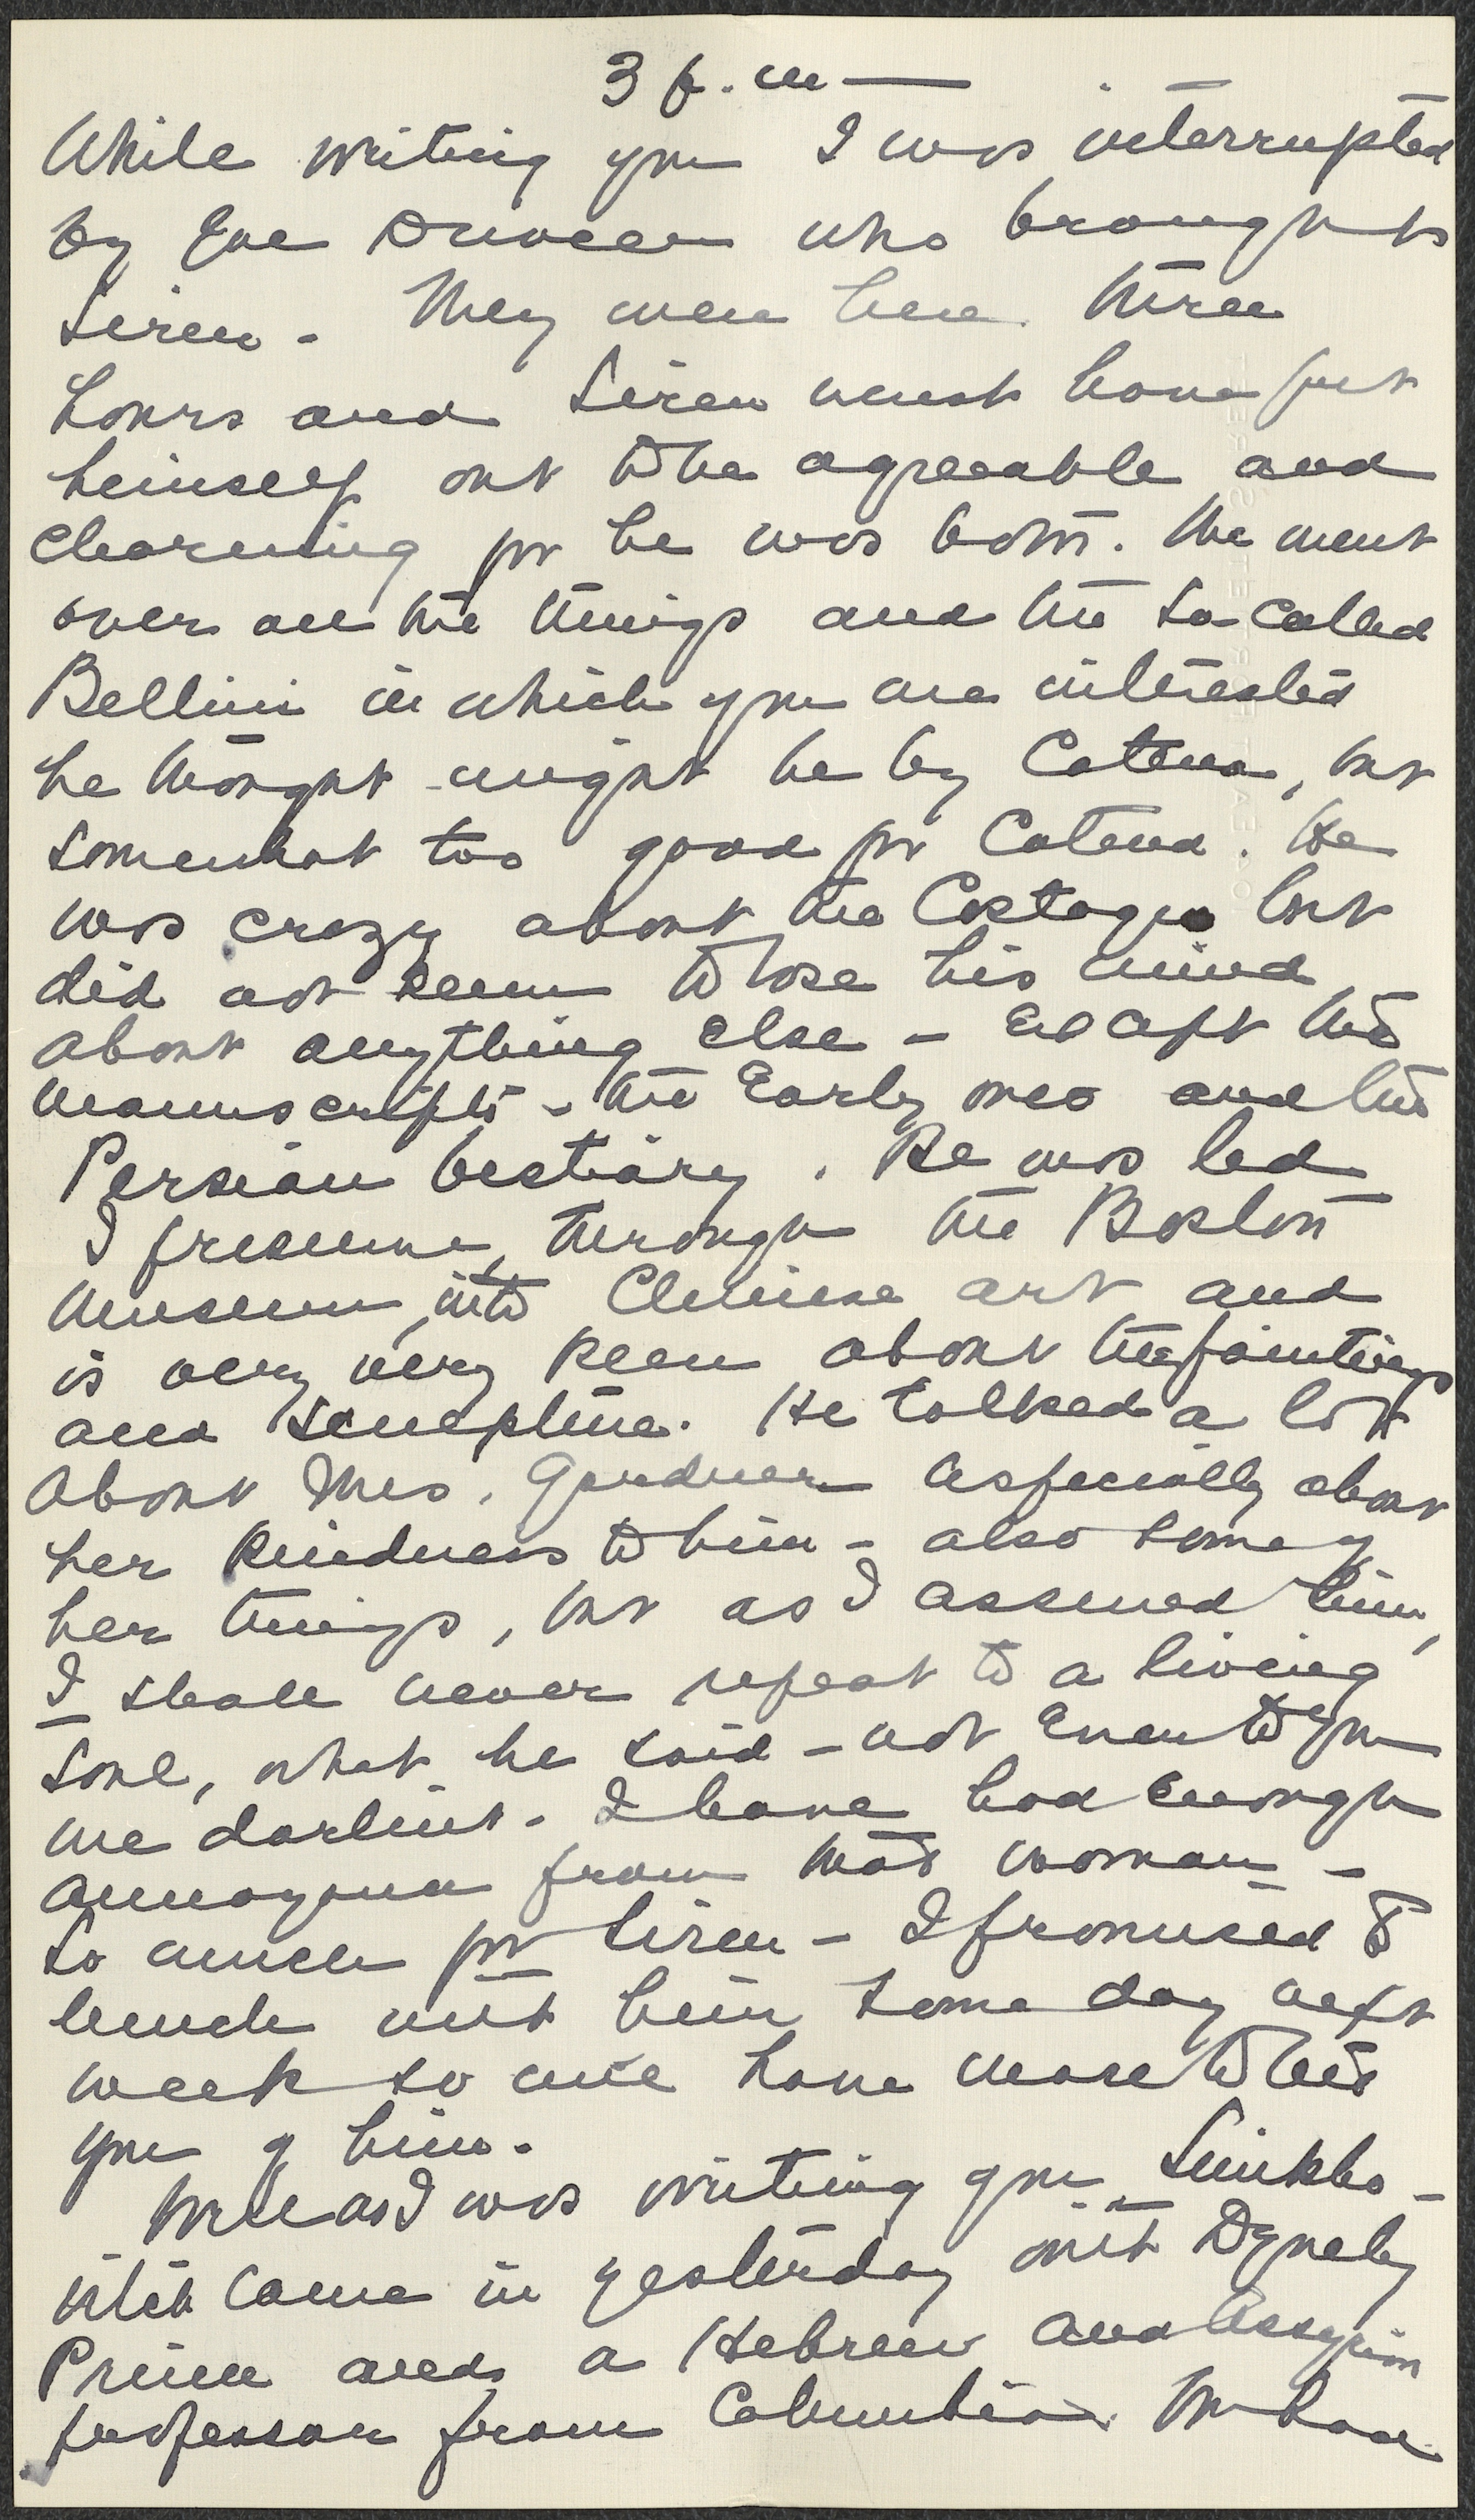3 p.m –
While writing you I was interrupted by Joe Duveen who brought Siren – they were here three hours and Siren must have put himself out to be agreeable and charming for he was both. We went over all the things and the so-called Bellini in which you are interested he thought might be by Catena, but somewhat too good for Catena. He was crazy about the Costagno but did not seem to lose his mind about anything else – except the manuscripts – the early ones and the Persian bestiary. He was led I presume, through the Boston Museum, into Chinese art and is very very keen about the paintings and sculpture. He talked a lot about Mrs. Gardner especially about her kindness to him – also some of her things, but as I assured him, I shall never repeat to a living soul, what he said – not even to you me darlint – I have had enough annoyance from that woman – So much for Siren – I promised to lunch with him some day next week so will have more to tell you of him –
Well as I was writing you Simkhovitch came in yesterday with Dyneley Prince and a Hebrew and Assyrian professor from Columbia we had